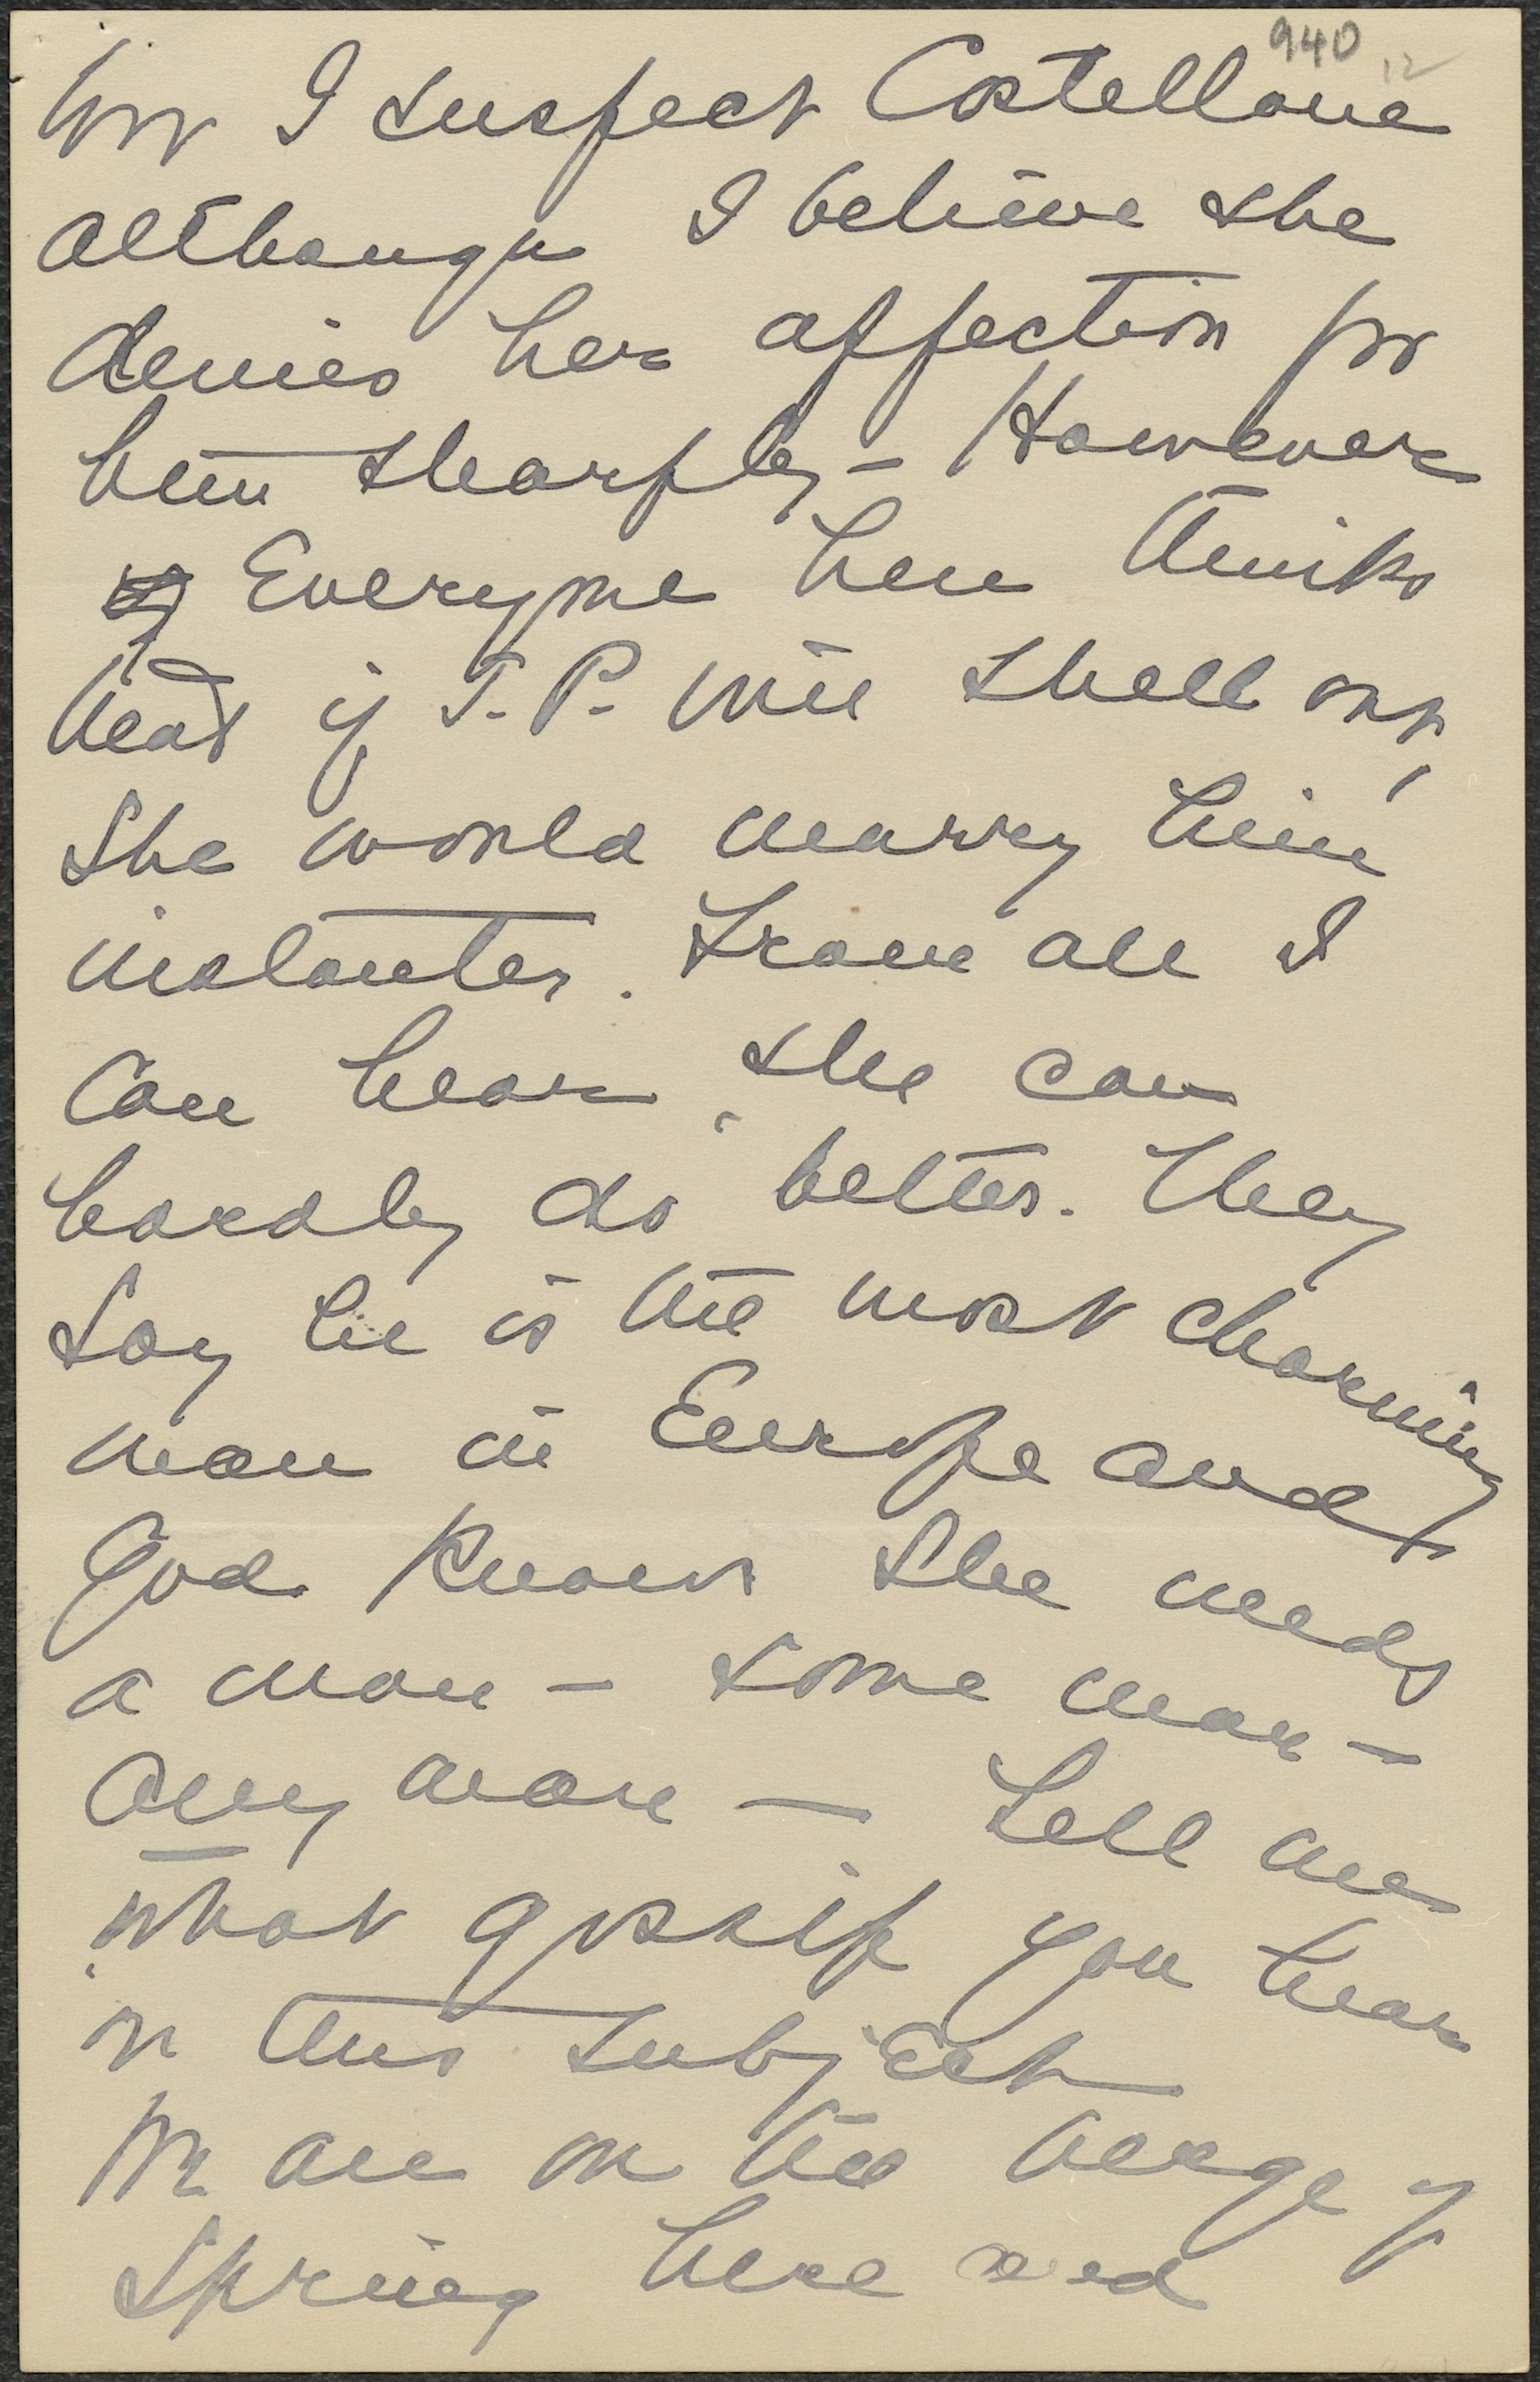but I suspect Castellane although I believe she denies her affection for him sharply – However if everyone here thinks that if J. P. will shell out, she would marry him instanter. From all I can hear, she can hardly do better. They say he is the most charming man in Europe and God knows she needs a man – some man – any man – Tell me what gossip you hear on this subject –
We are on the verge of Spring here and